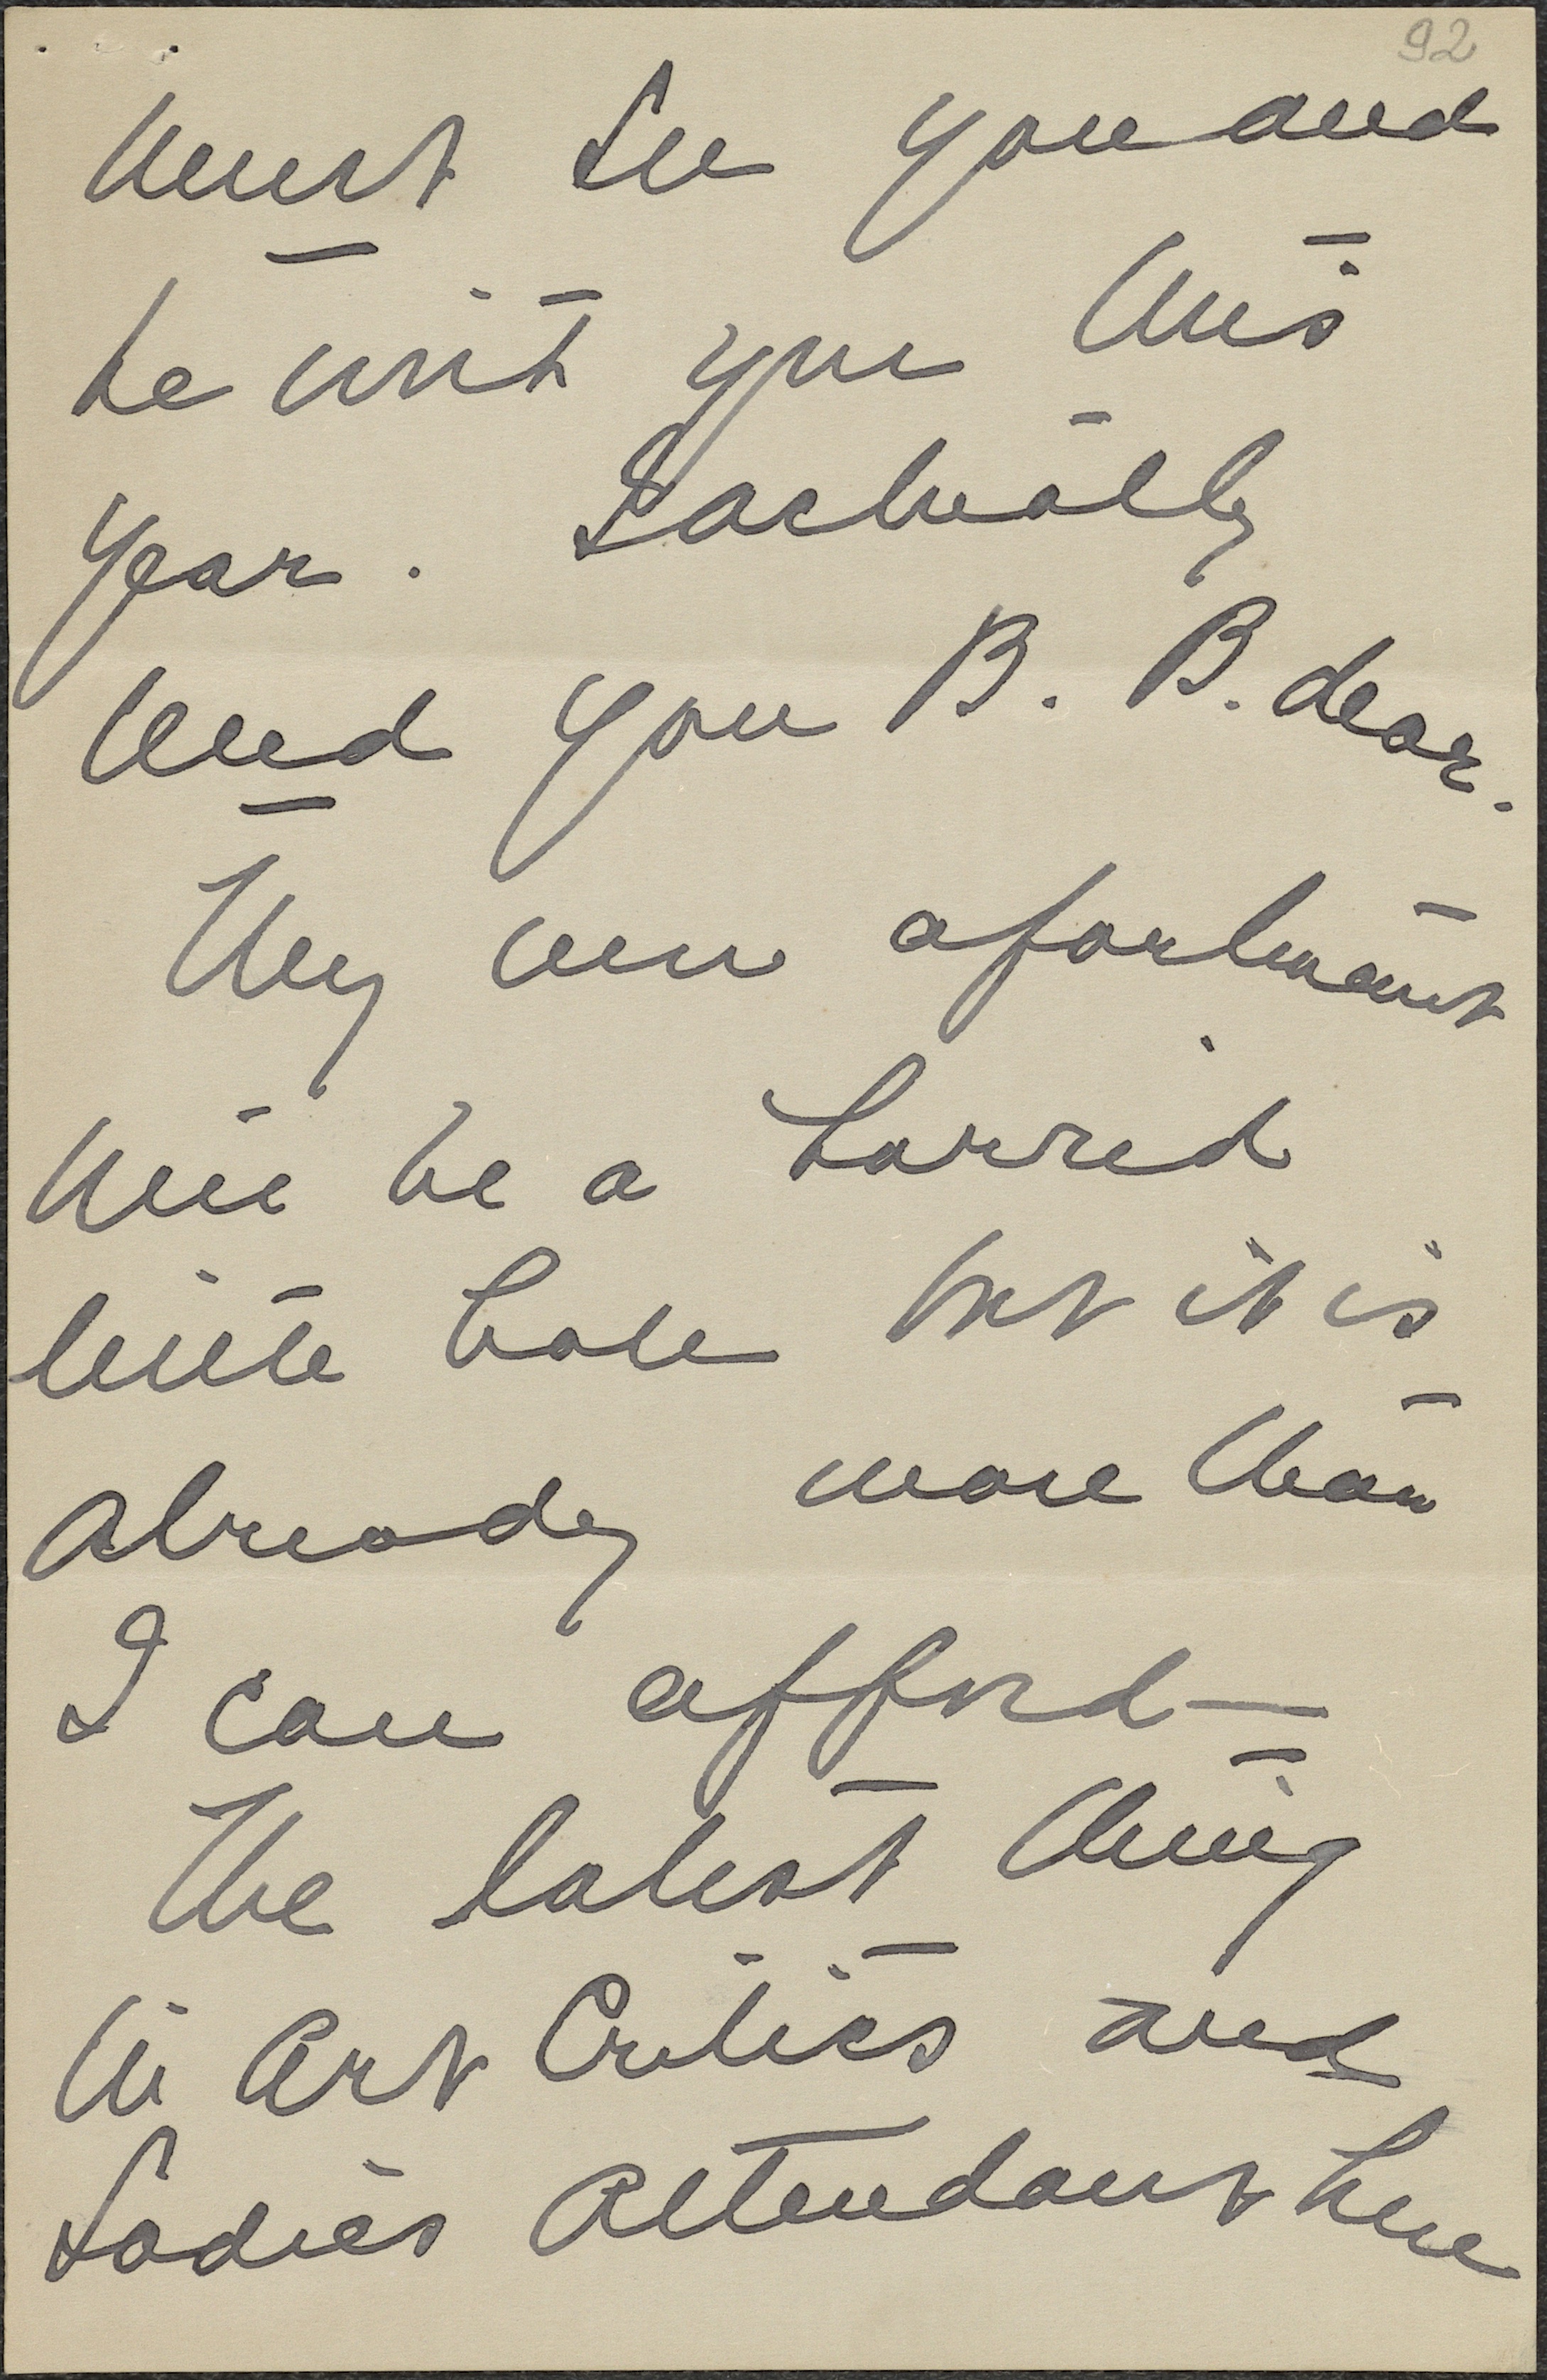must see you and be with you this year. I actually need you B. B. dear.
My new apartment will be a horrid little hole but it is already more than I can afford –
The latest thing the art critics and Ladies attendant here